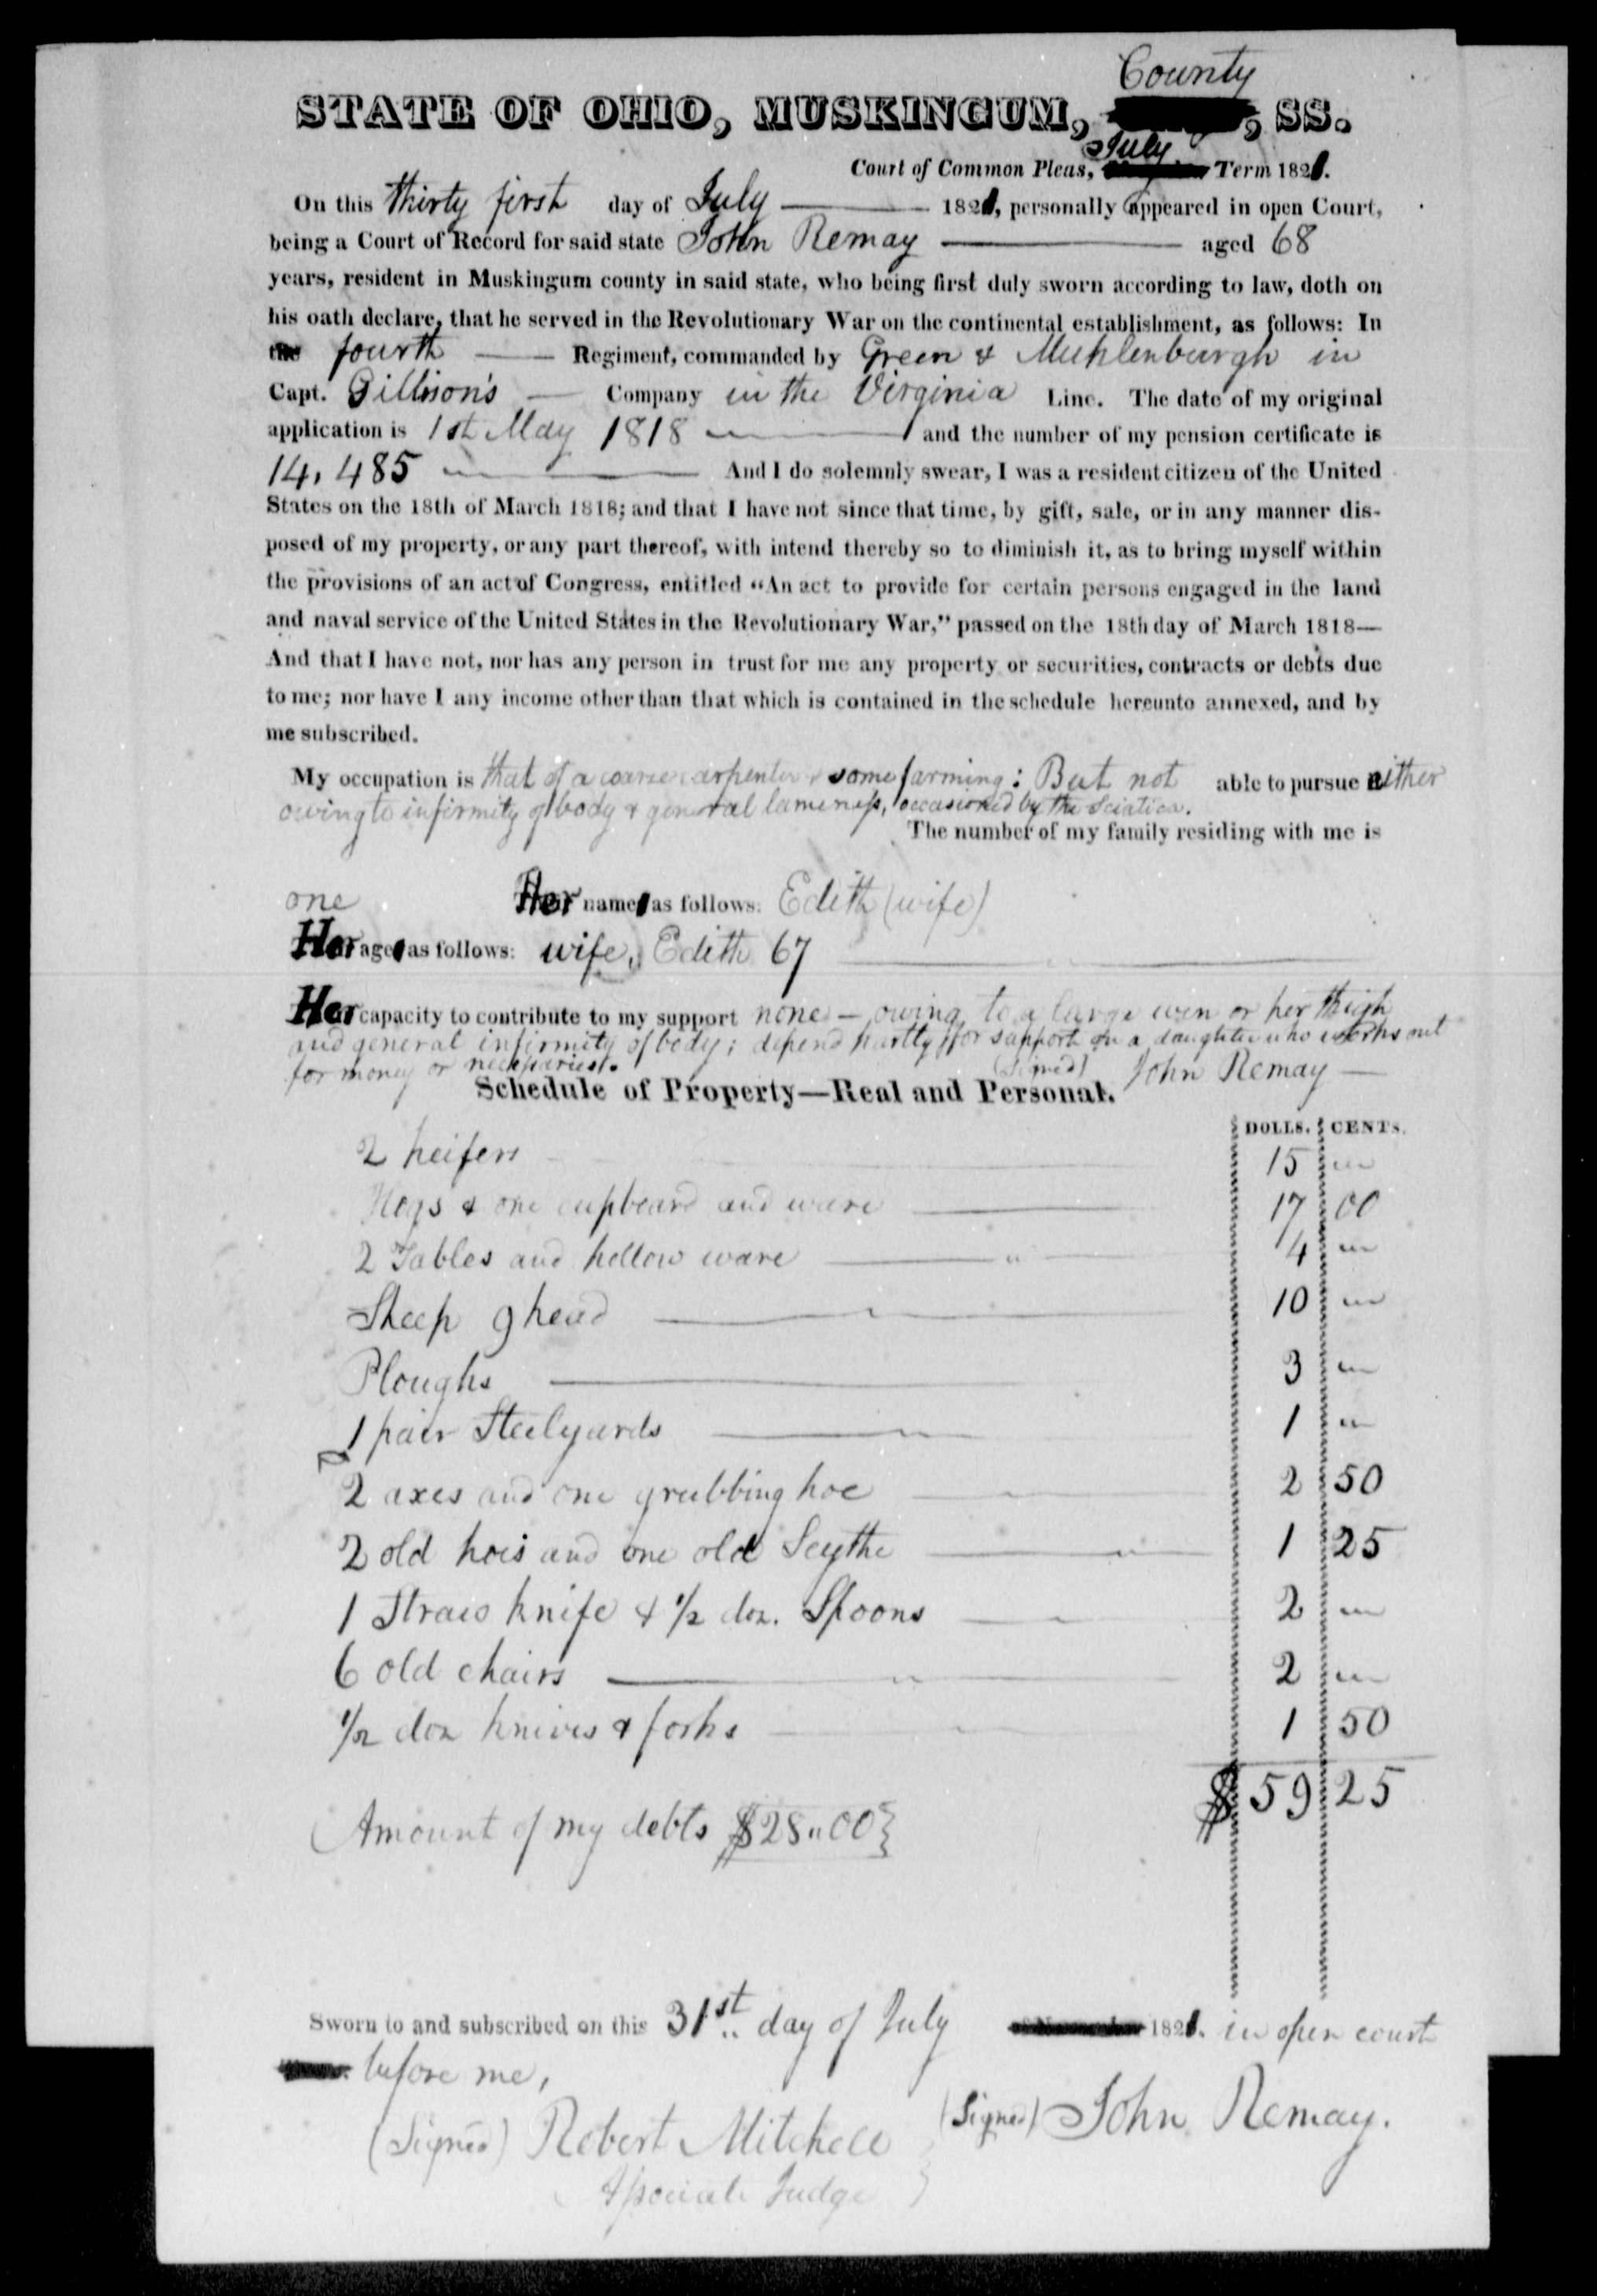STATE OF OHIO, MUSKINGUM, County [crossed out: illegible], SS.
Court of Common Pleas, July crossed out: illegible] Term 1821.

On this thirty first day of July - 1821, personally appeared in open Court, being a Court of Record for said state John Remay - aged 68 years, resident in Muskingum county in said state, who being first duly sworn according to law, doth on his oath declare, that he served in the Revolutionary War on the continental establishment, as follows: In the fourth - Regiment, commanded by Green & Muhlenburgh in Capt. Gillion's - Company in the Virginia Line. The date of my original application is 1st May 1818 - and the number of my pension certificate is 14,485 - And I do solemnly swear, I was a resident citizen of the United States on the 18th of March 1818; and that I have not since that time, by gift, sale, or in any manner disposed of my property, or any part thereof, with intend thereby so to diminish it, as to bring myself within the provisions of an act of Congress, entitled "An act to provide for certain persons engaged in the land and naval service of the United States in the Revolutionary War," passed on the 18th day of March 1818- And that I have not, nor has any person in trust for me any property or securities, contracts or debts due to me; nor have I any income other than what is contained in the schedule hereto annexed, and by me subscribed.

My occupation is that of a coarse carpenter & some farming: But not able to pursue either owing to infirmity of body & general lameness, occasioned by the Sciatica.
The number of my family residing with me is one Her [overwritten: Their] name [crossed out: s] as follows: Edith (wife)
Her [overwritten: Their] age [crossed out: s] as follows: wife, Edith 67 -
Her [overwritten: Their] capacity to contribute to my support none - owing to a large wen on her thigh and general infirmity of body; depend partly for support on a daughter who works out for money or necessaries. (signed) John Remay-

Schedule of Property - Real and Personal. 
DOLLS. CENTS.
2 heifers - 15-
Hogs & one cupboard and ware - 17.00
2 Tables and hollow ware - 4-
Sheep 9 head - 10-
Ploughs - 3-
1 pair Steelyards - 1-
2 axes and one grubbing hoe - 2.50
2 old hoes and one old Scythe - 1.25
1 Straw knife & 1/2 doz. Spoons - 2-
6 old chairs - 2-
1/2 doz knives & forks - 1.50
$59.25
Amount of my debts $28,,00

Sworn to and subscribed on this 31st day of July [crossed out: illegible] 1821. in open court  [crossed out: illegible] before me,
(Signed) Robert Mitchell Associate Judge (Signed) John Remay.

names: [BLANK] Muhlenburgh; John Remay; Edith [BLANK]; John Remay; Edith [BLANK]; John Remay; Robert Mitchell; [BLANK] Green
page: 3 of 84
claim: widow's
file: W.11104, for John Remay, Virginia